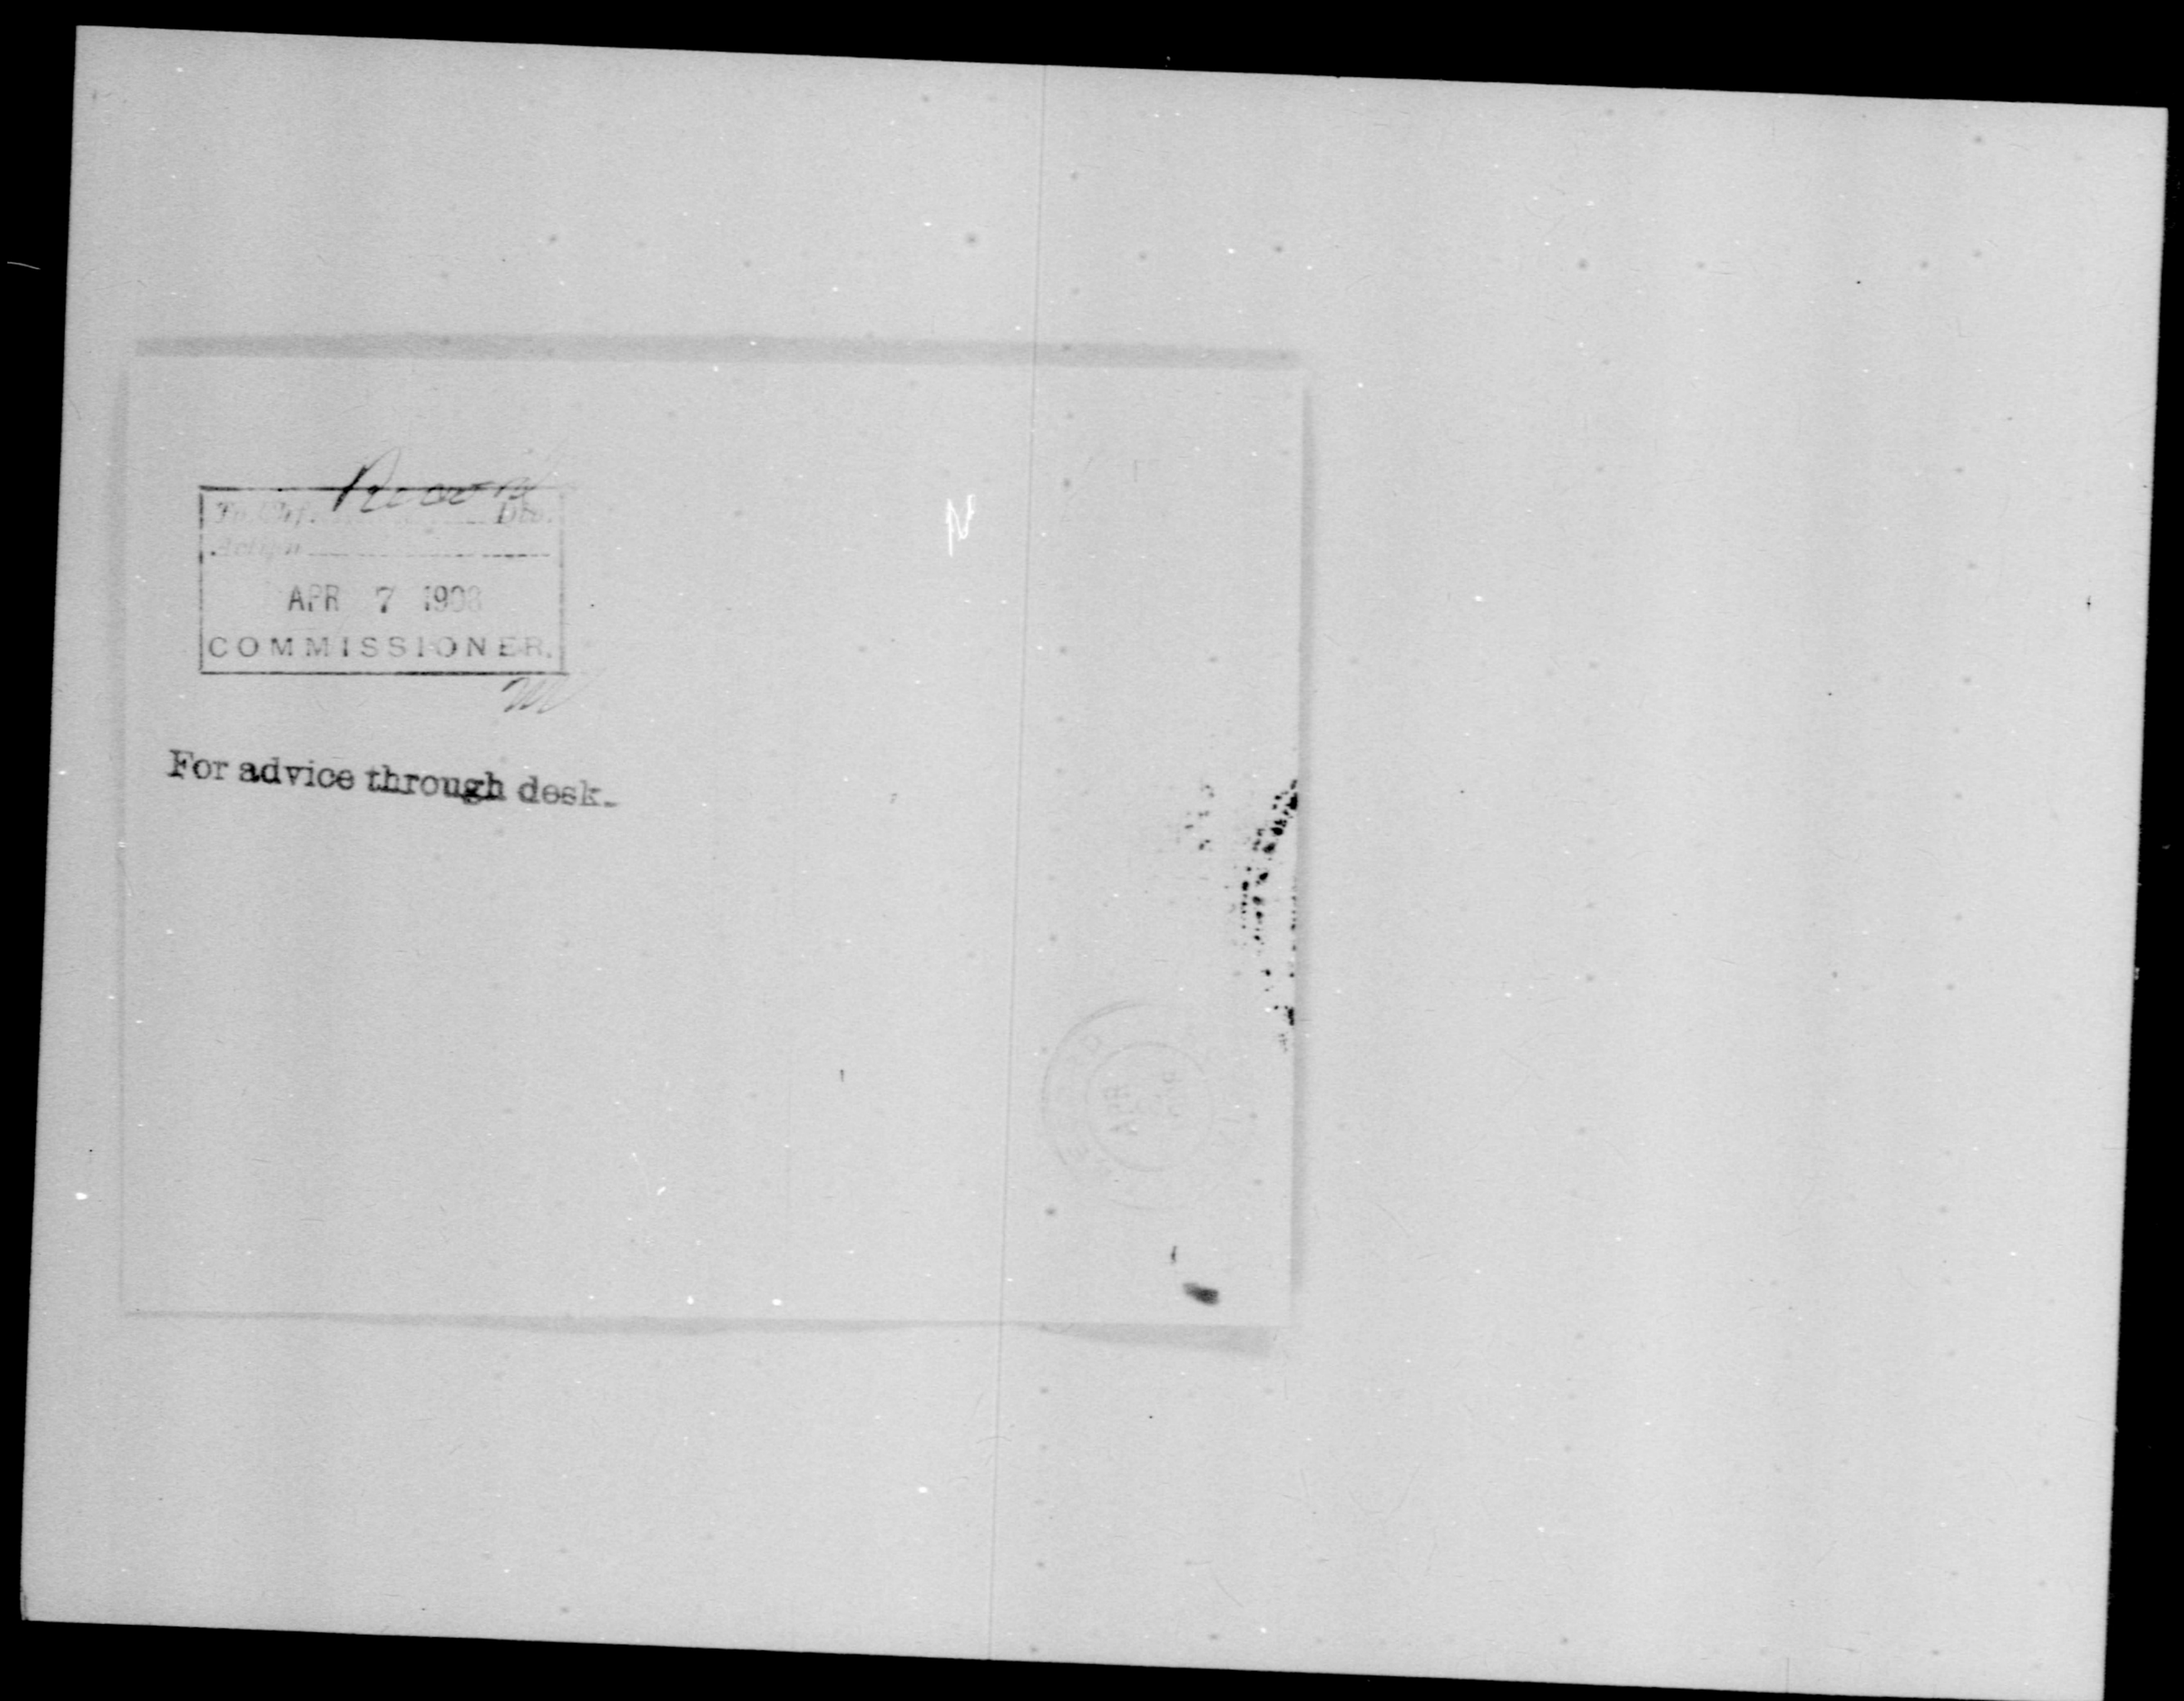Record Div.
APR 7 1908
COMMISSIONER.
For advice through desk.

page: 65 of 84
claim: widow's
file: W.11104, for John Remay, Virginia